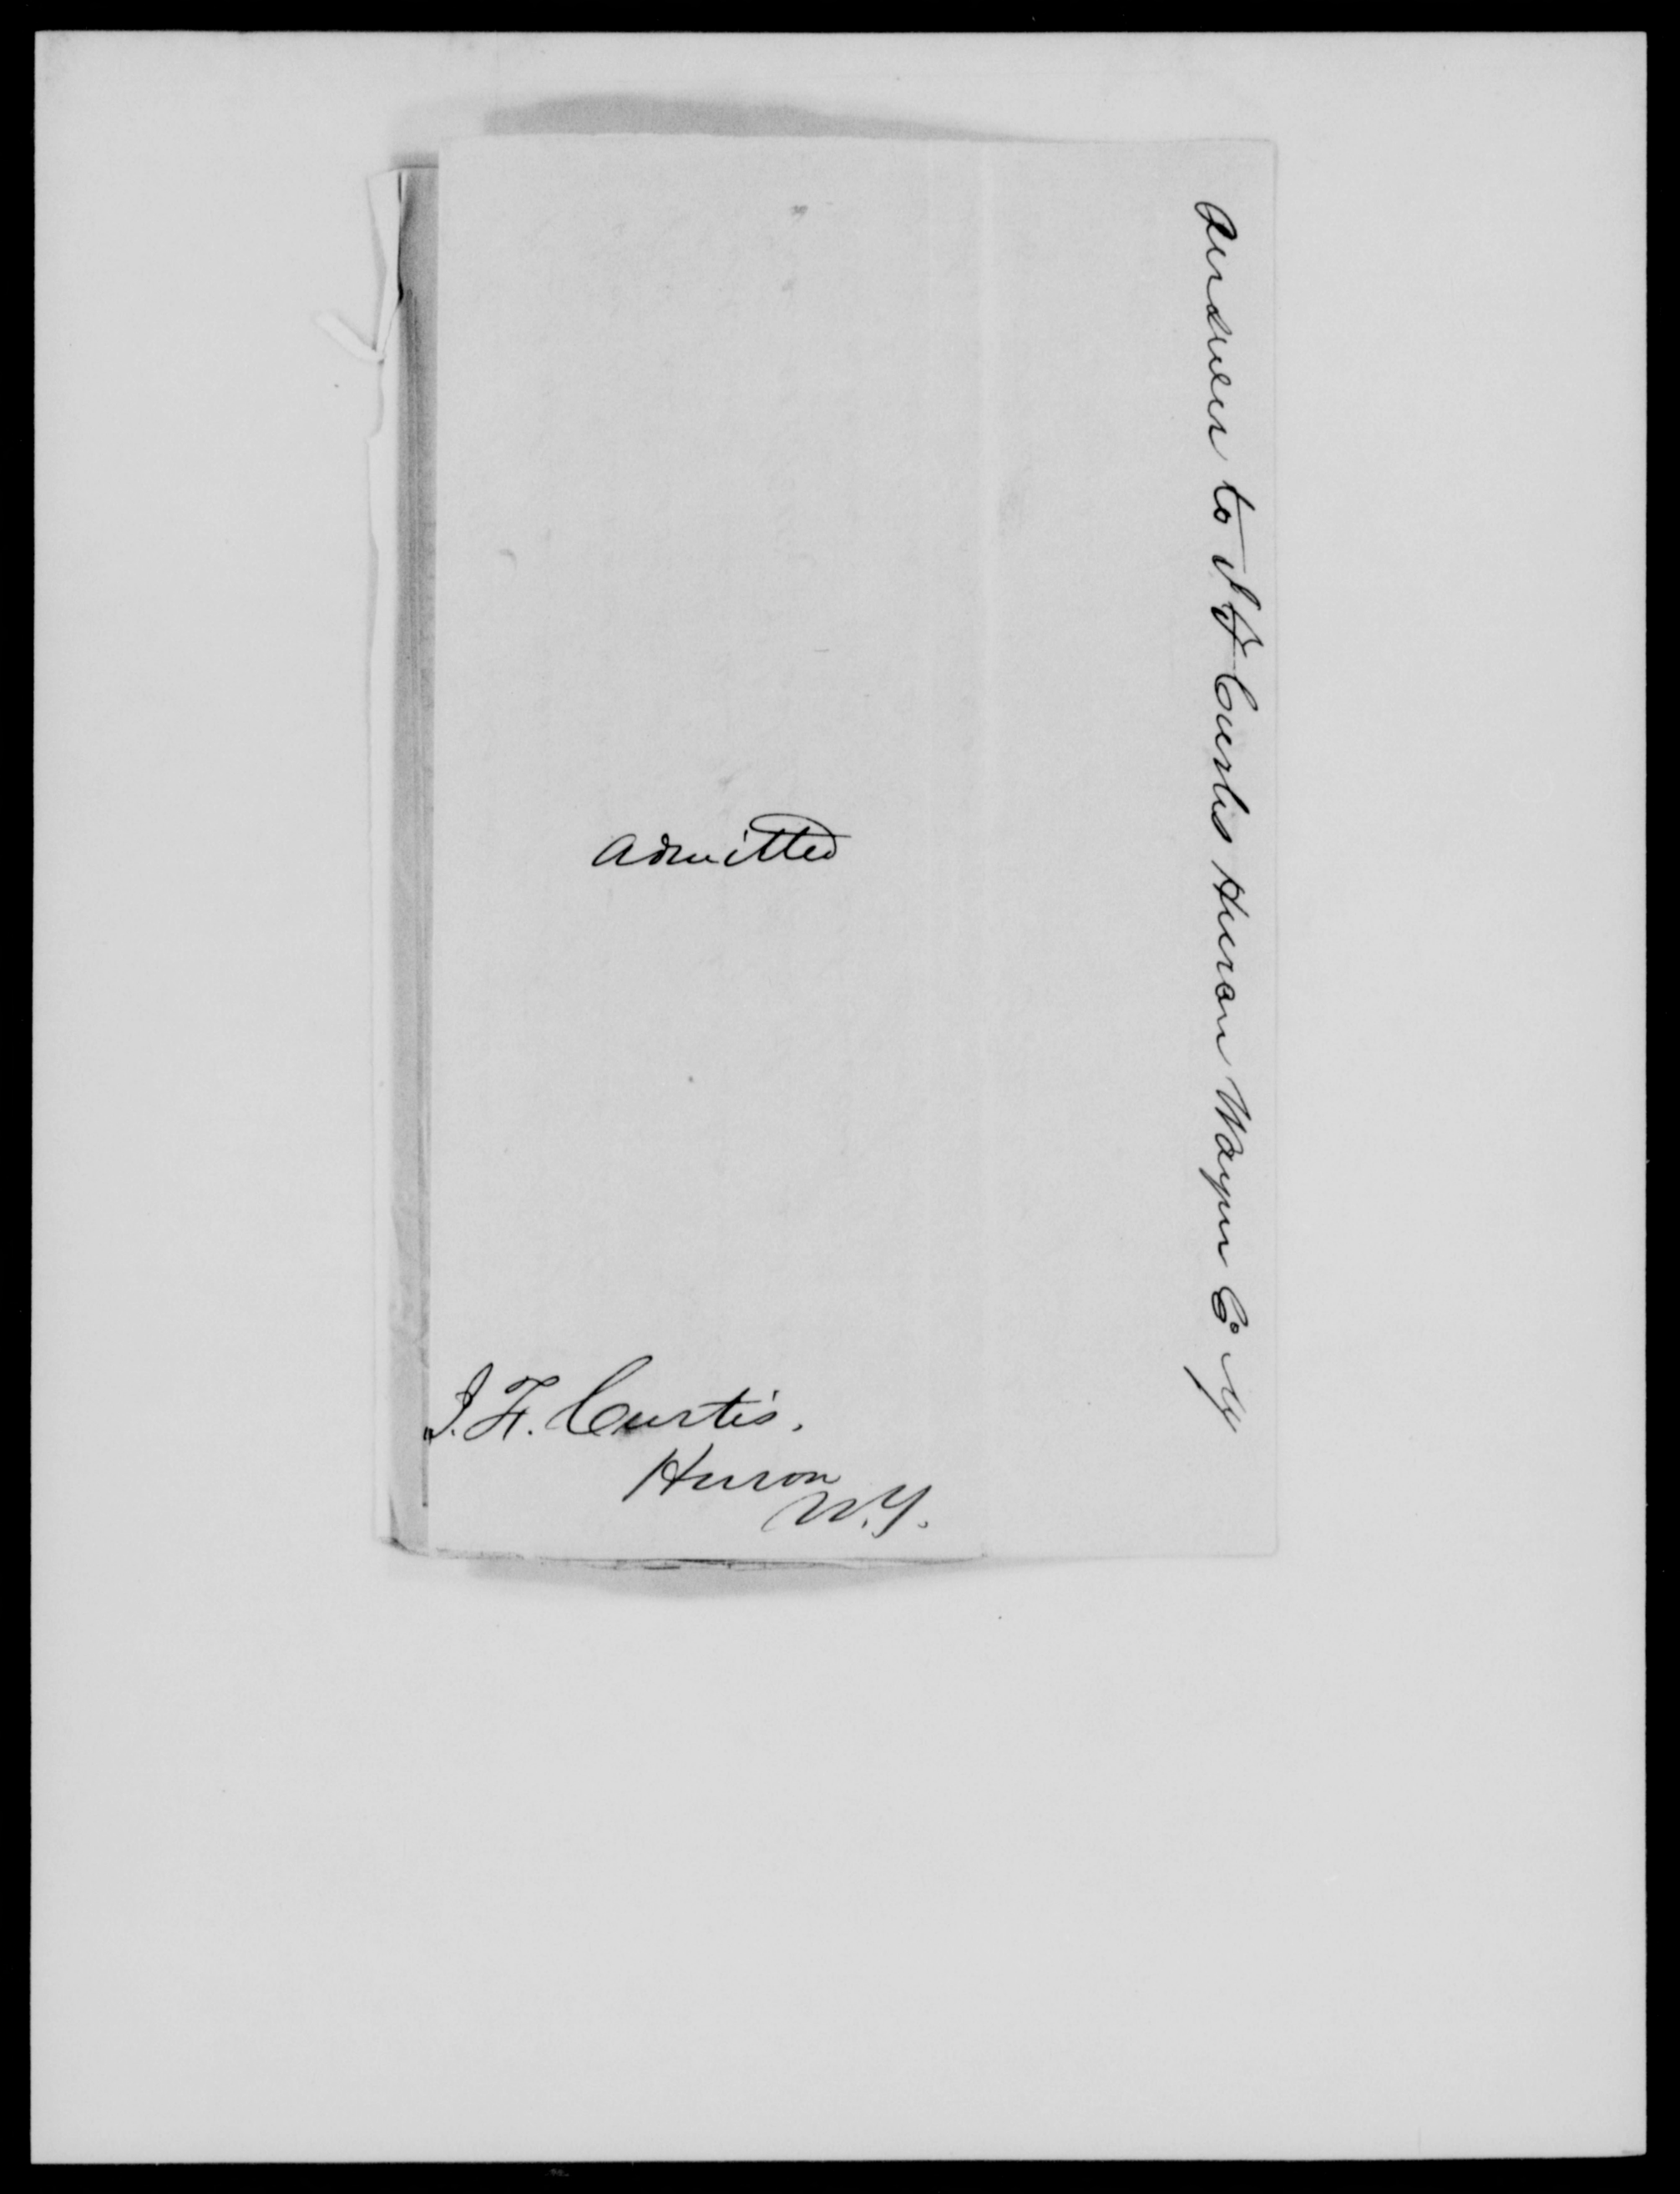Answer to J F Curtis Huron Wayne Co NY 
As written
J F Curtis
Huron N.Y.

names: J F Curtis, J F Curtis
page: 31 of 66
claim: widow's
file: W. 19588, William Walling, New Jersey